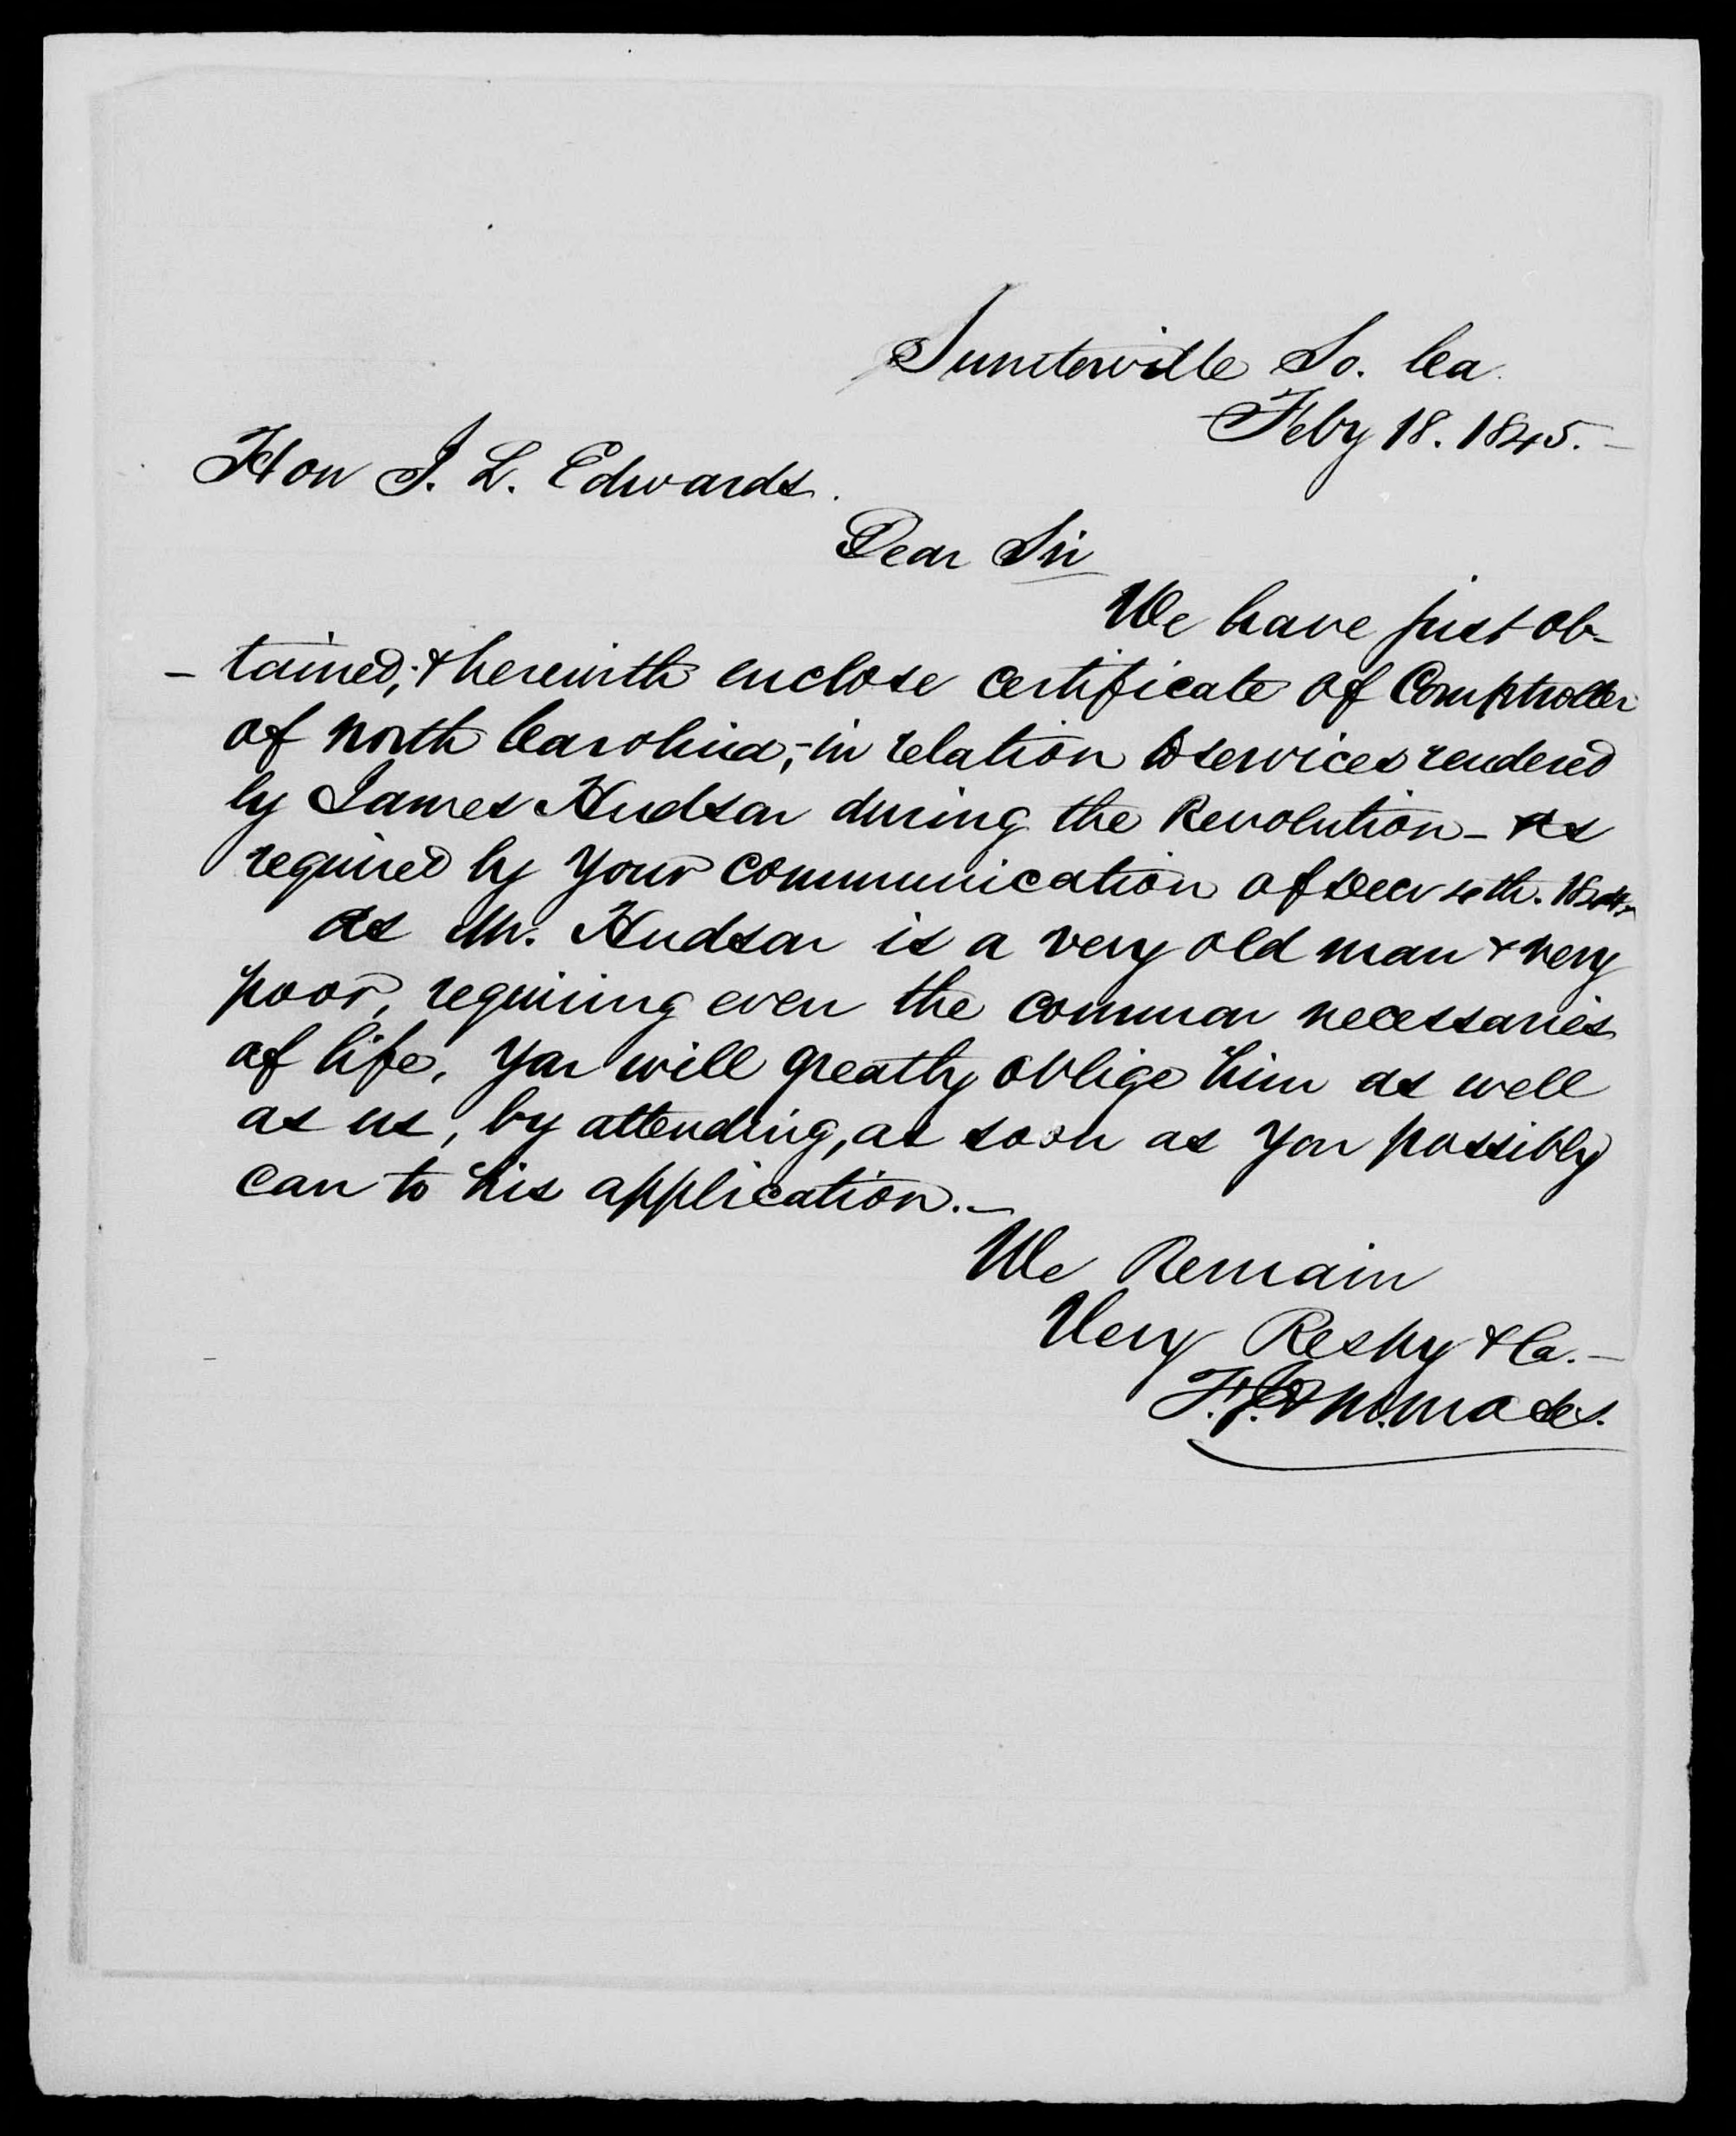Sumterville So. Ca.
Feby 18, 1845.
Hon J. L. Edwards
Dear sir,
We have first obtained, therewith enclose Certificate of Comptroller of North Carolina, in relation to services rendered by James Hudson during the Revolution- as required by your communication of Dec. 4th, 1844.
As Mr. Hudson is a very old man + very poor, requiring even the common necessaries of life, you will greatly oblige him as well as us, by attending as soon as you possibly can to his application.
We Remain Very Resby Ha.
F. J. M. Moses.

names: James Hudson, F J M Moses, J L Edwards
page: 26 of 33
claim: rejected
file: R. 5334, James Hudson, N.C.